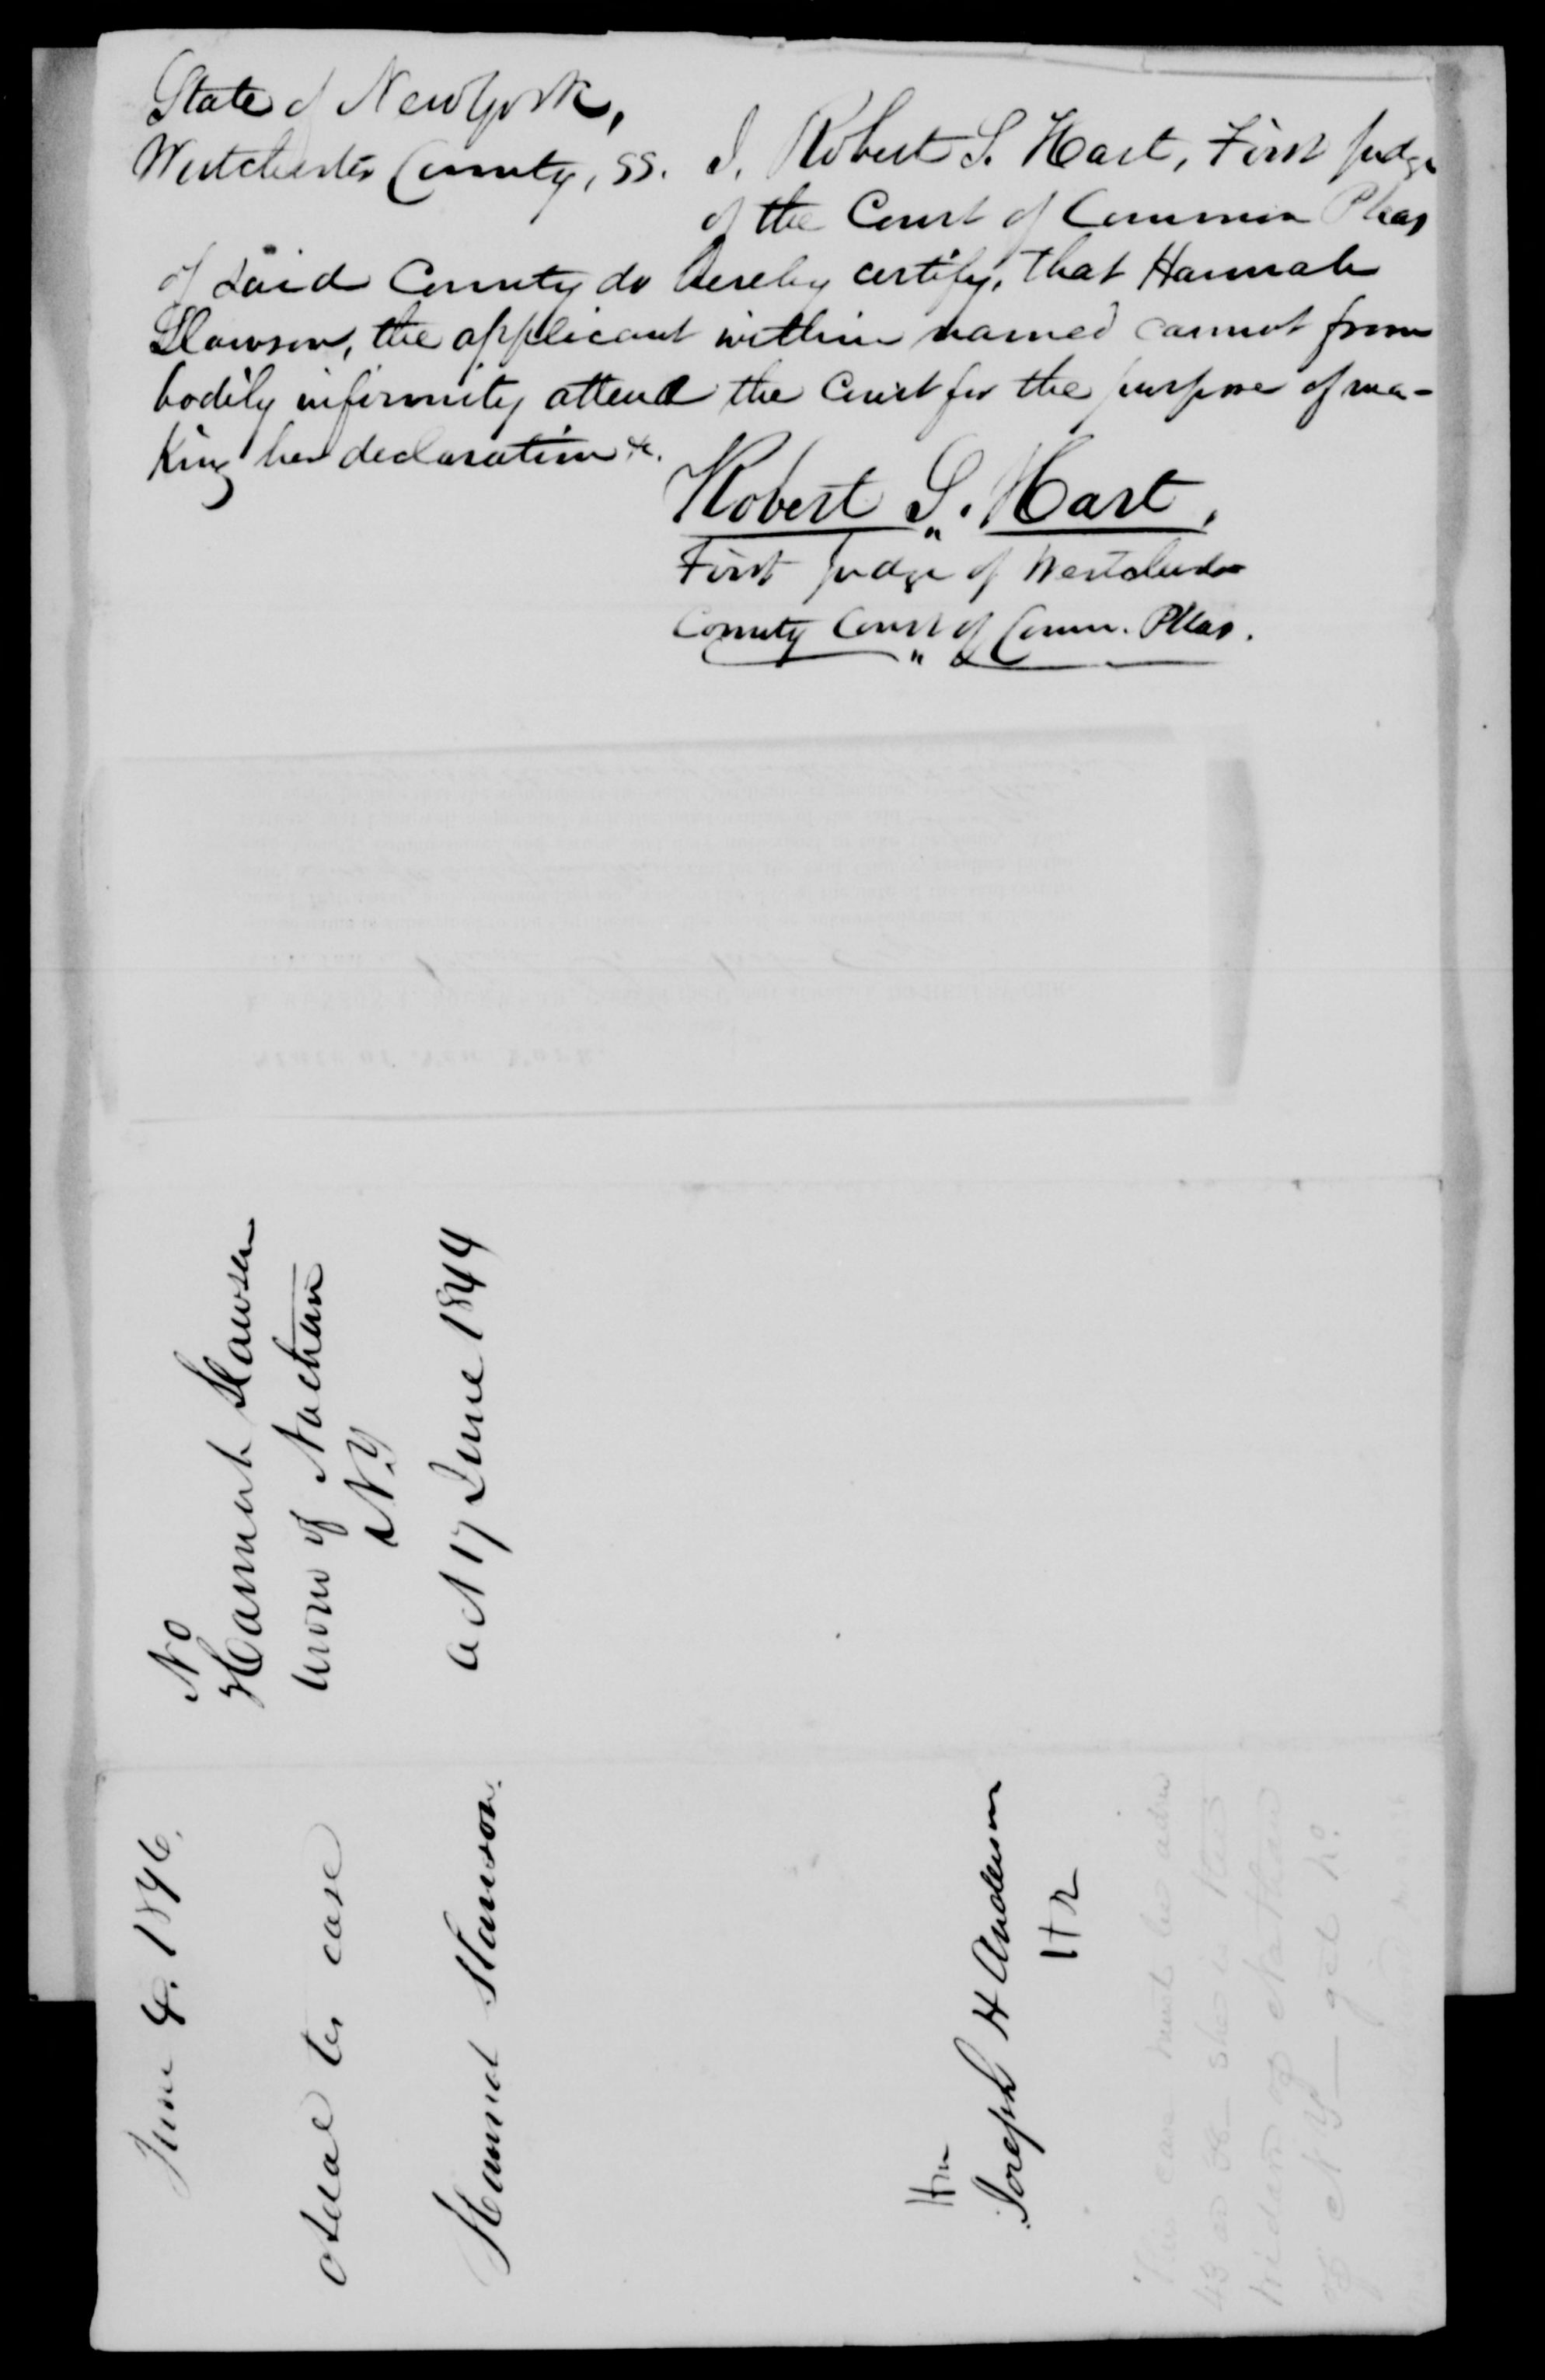State of New York, 
Westchester County, SS. 
I, Robert S. Hart, First Judge of the Court of Common Pleas of said County do hereby certify, that Hannah Slawson, the applicant within named cannot from bodily infirmity attend the Court for the purpose of making her declaration &c 
Robert S. Hart First Judge of Westchester County Court of Com. Pleas 
June 4 1846  
No. Hannah Slawson widow of Nathan NY act 17 June 1844 
Add’l to case Hannah Slawson 
Hon Joseph H. Anderson HR 
This case must be addl 43 as 38 – she is the widow of Nathan of NY – get No. May 30 Wm. Lockwood judge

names: Nathan Slawson; Hannah Slawson; Robert S Hart; Robert S Hart; Hannah Slawson; Hannah Slawson; Joseph H Anderson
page: 82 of 87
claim: widow's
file: W. 22,226, for Nathan Slawson, Connecticut